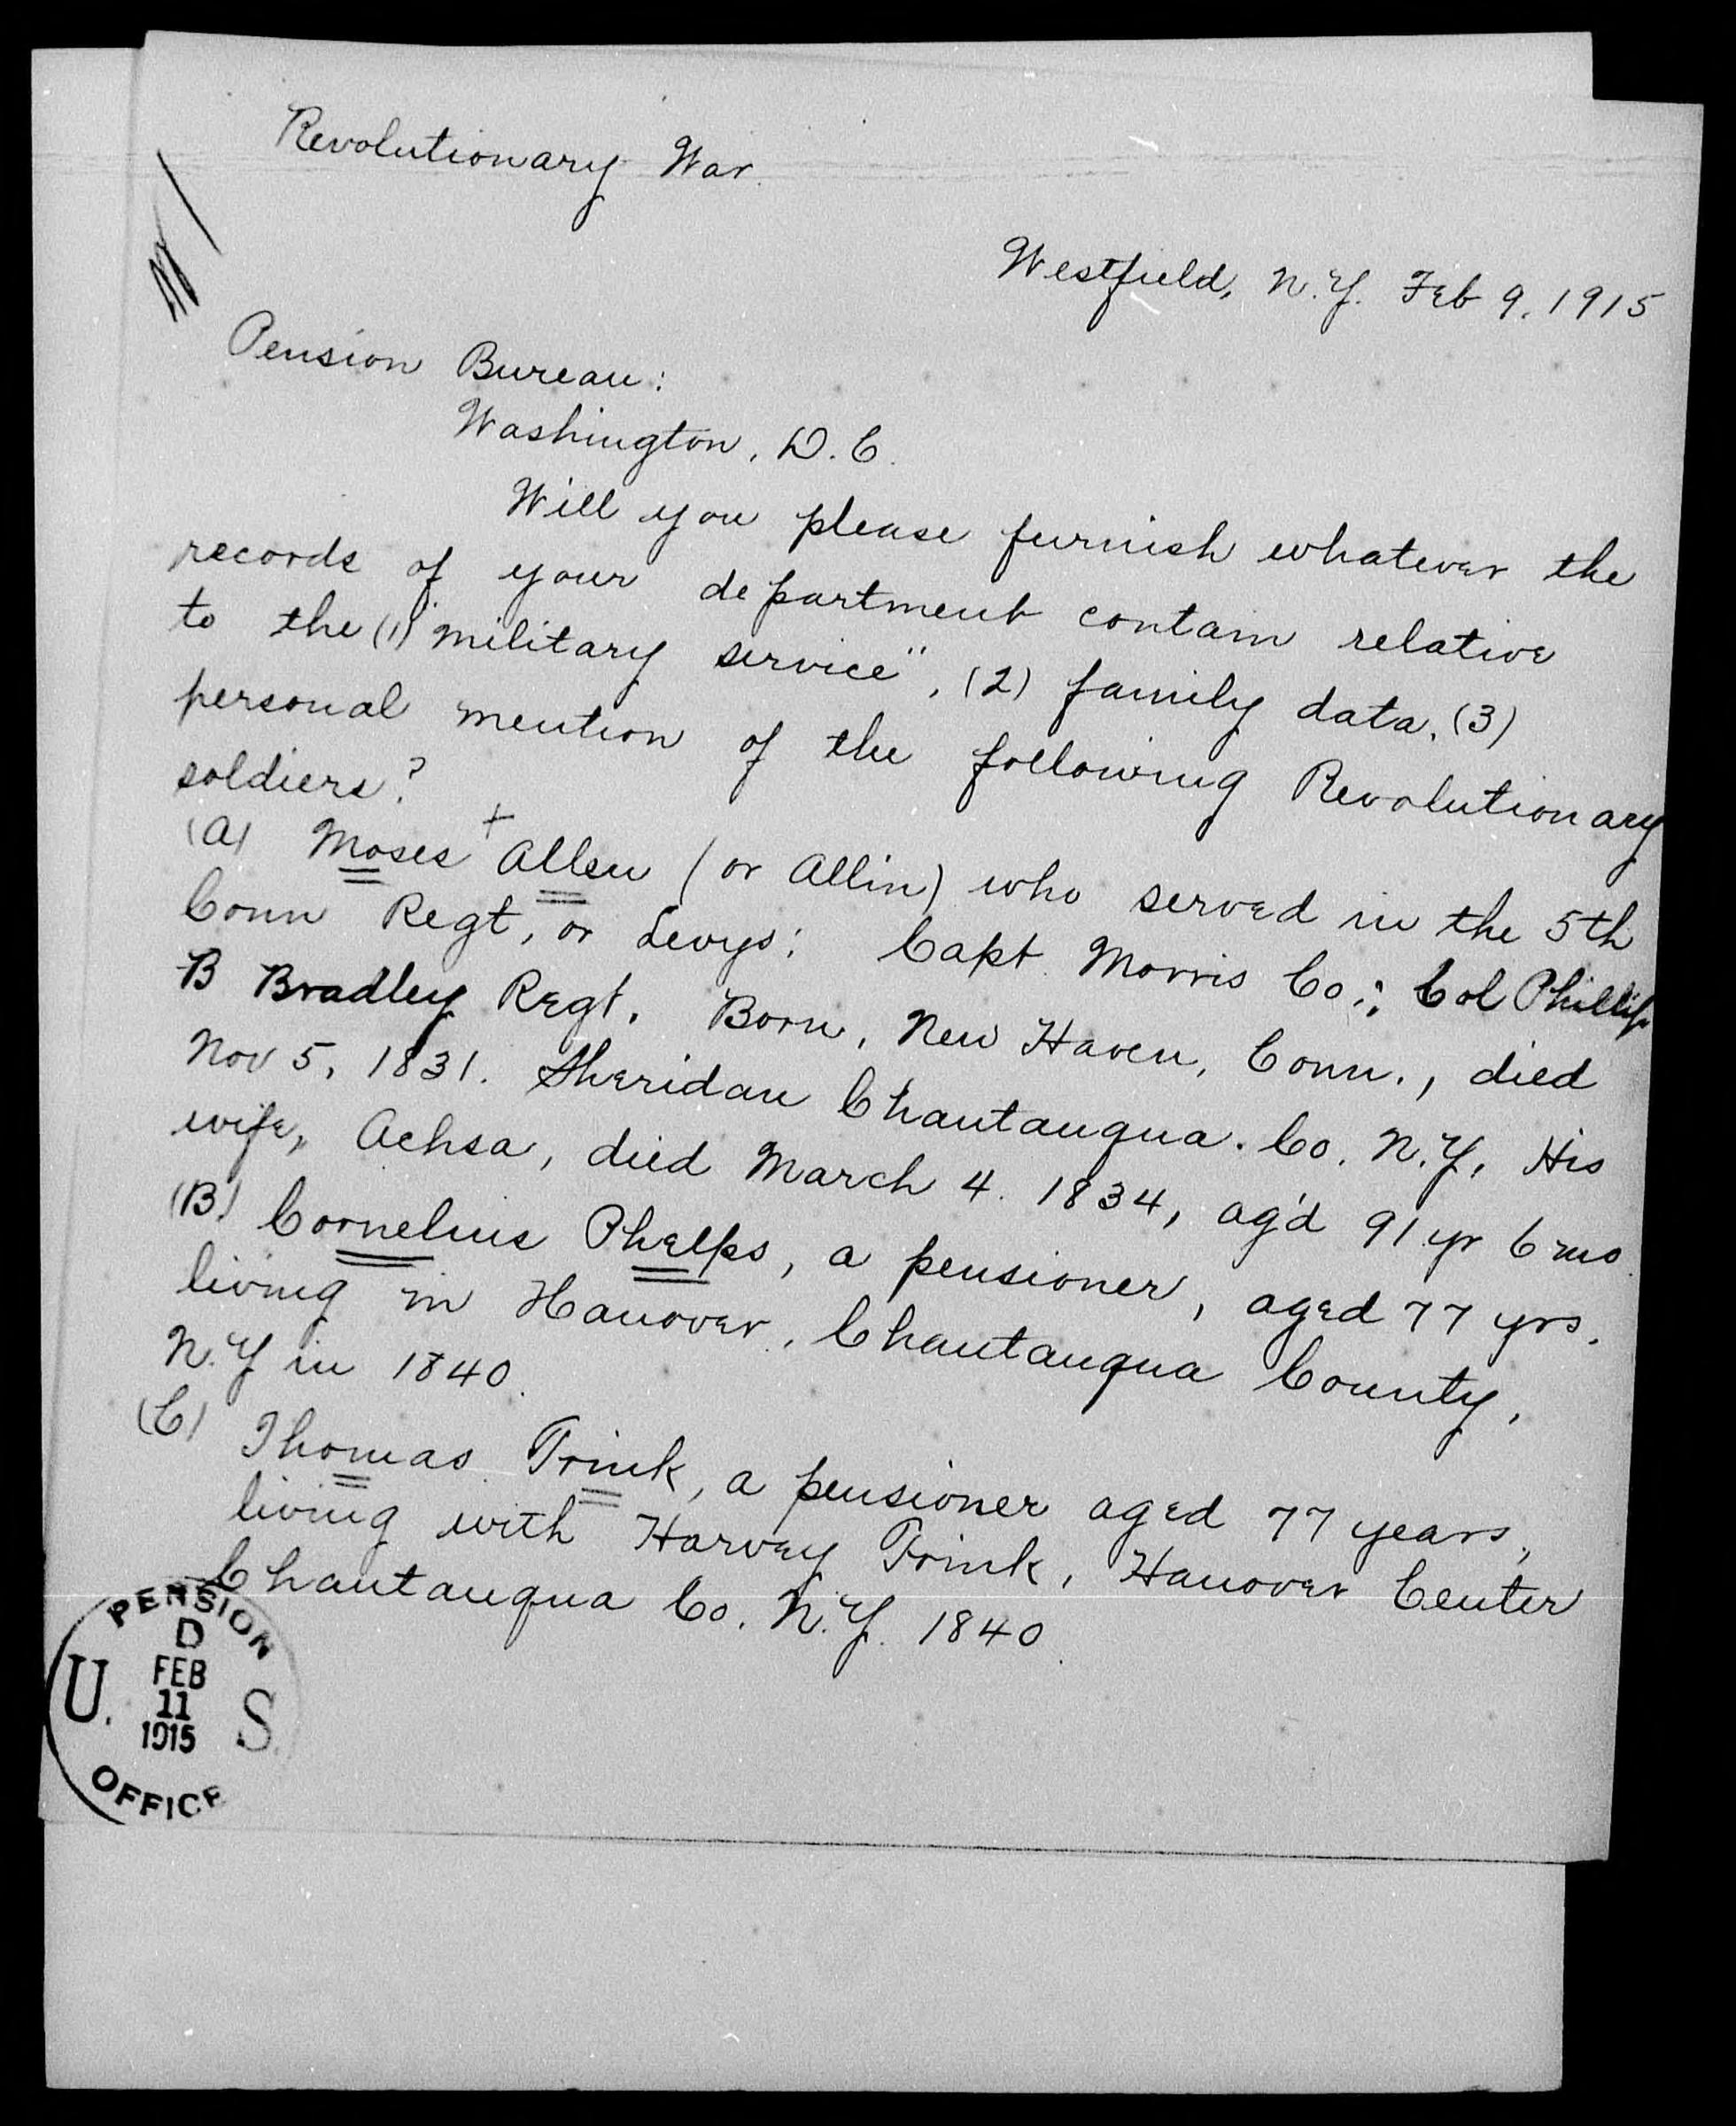Revolutionary War
                                      Westfield, N. Y.Feb 9, 1915\Pension Pension Bureau:
            Washington, D.C.
                     Will you please furnish whatever the records of your department contains relative to the (1) military service, (2) family data, (3) personal mention of the following Revolutionary soldiers?
(A) Moses Allen (or Allin) who served in the 5th Conn Regt, or Levys:  Capt Morris Co, : Col Philip B Bradley Regt.  Born, New Haven, Conn., died Nov 5, 1831.  Sheridan Ctautauqua, Co. N.Y. His wife,Achsa, died March 4, 1834, ag'd 91 yr 6 mo.
(B(  Cornelius Phelps, a pensioner, aged 77 yrs. living in Hanover, Chautauqua County, N. Y. in 1840.  
(C)  Thomas Frink, a pensioner aged 77 years, living with Harvey Frink, Hanover Center Chautauqua Co. N. Y. 1840.


[round stamp reads:]   PENSION OFFICE 
                                    U              D         S
                                           FEB 11, 1915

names: Achsa, Thomas Frink, Moses Allen, Harvey Frink, Cornelius Phelps, Moses Allin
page: 31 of 33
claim: survivor's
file: S 43571, Thomas Frink, Mass.